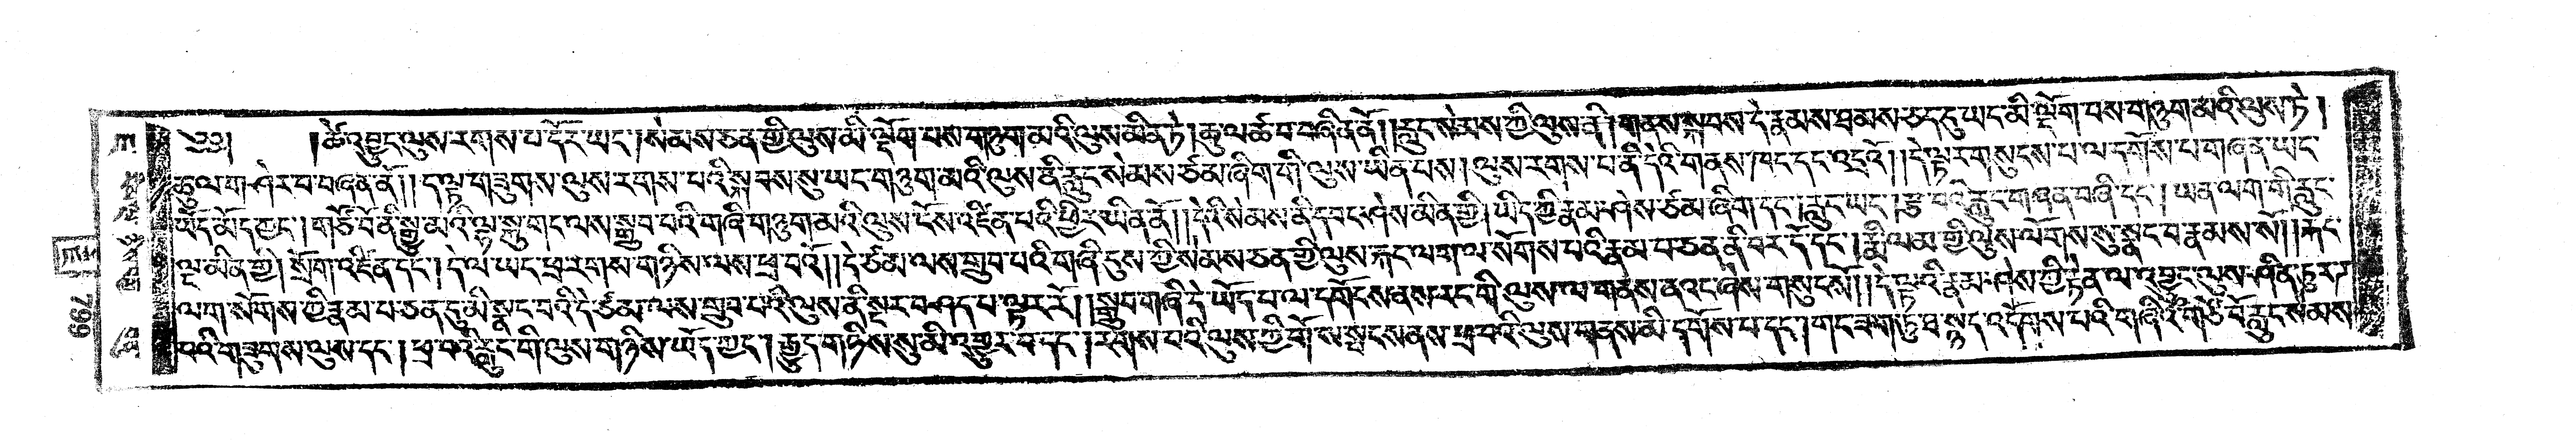༄༅། །ཚེ་འབྱུང་ལུས་རགས་པ་དོར་ཡང་། སེམས་ཅན་གྱི་ལུས་མི་ལྡོག་པས་གཉུག་མའི་ལུས་མིན་ཏེ། ཆུ་ལ་ཚ་བ་བཞིན་ནོ། །རླུང་སེམས་ཀྱི་ལུས་ནི། གནས་སྐབས་དེ་རྣམས་ཐམས་ཅད་དུ་ཡང་མི་ལྡོག་པས་གཉུག་མའི་ལུས་ཏེ།
ཆུ་ལ་གཤེར་བ་བཞིན་ནོ། །དེ་ལྟ་གཟུགས་ལུས་རགས་པའི་སྐབས་སུ་ཡང་གཉུག་མའི་ལུས་ནི་རླུང་སེམས་ཙམ་ཞིག་གི་ལུས་ཡིན་པས། ལུས་རགས་པ་ནི་དེའི་གནས་ཁང་དང་འདྲའོ། །དེ་ལྟར་གསུངས་པ་ལ་དགོས་པ་གཞན་ཡང་
ཡོད་མོད་ཀྱང་། གཙོ་བོ་ནི་སྒྱུ་མའི་ལྷ་སྐུ་གང་ལས་སྒྲུབ་པའི་གཞི་གཉུག་མའི་ལུས་ངོས་འཛིན་པའི་ཕྱིར་ཡིན་ནོ། །དེའི་སེམས་ནི་དབང་ཤེས་མིན་གྱི། ཡིད་ཀྱི་རྣམ་ཤེས་ཙམ་ཞིག་དང་། རླུང་ཡང་། རྩ་བའི་རླུང་གཞན་བཞི་དང་། ཡན་ལག་གི་རླུང་
ལྔ་མིན་གྱི། སྲོག་འཛིན་དང་། དེ་ལ་ཡང་ཕྲ་རགས་གཉིས་ལས་ཕྲ་བའོ། །དེ་ཙམ་ལས་གྲུབ་པའི་གཞི་དུས་ཀྱི་སེམས་ཅན་གྱི་ལུས་རྐང་ལག་ལ་སོགས་པའི་རྣམ་པ་ཅན་ནི་བར་དོ་དང་། རྨི་ལམ་གྱི་ལུས་ལོགས་སུ་སྣང་བ་རྣམས་སོ། །རྐང་
ལག་སོགས་ཀྱི་རྣམ་པ་ཅན་དུ་མི་སྣང་བའི་དེ་ཙམ་ལས་གྲུབ་པའི་ལུས་ནི་སྔར་བཤད་པ་ལྟར་རོ། །སྒྲུབ་གཞི་དེ་ཡོད་པ་ལ་དགོངས་ནས་རང་གི་ལུས་ལ་གནས་ནའང་ཞེས་གསུངས་སོ། །དེ་ལྟའི་རྣམ་ཤེས་ཀྱི་རྟེན་ལ་འབྱུང་ལུས་ཤིན་ཏུ་རགས་
པའི་གཟུགས་ལུས་དང་། ཕྲ་བའི་རླུང་གི་ལུས་གཉིས་ཡོད་ཀྱང་། རྒྱུད་གཉིས་སུ་མི་འགྱུར་བ་དང་། རིགས་པའི་ལུས་ཀྱི་གོ་ས་སྤངས་ནས་ཕྲ་བའི་ལུས་གནས་མི་དགོས་པ་དང་། གང་ཟག་ཏུ་ཐ་སྙད་འདོགས་པའི་གཞིའི་གཙོ་བོ་རླུང་སེམས་